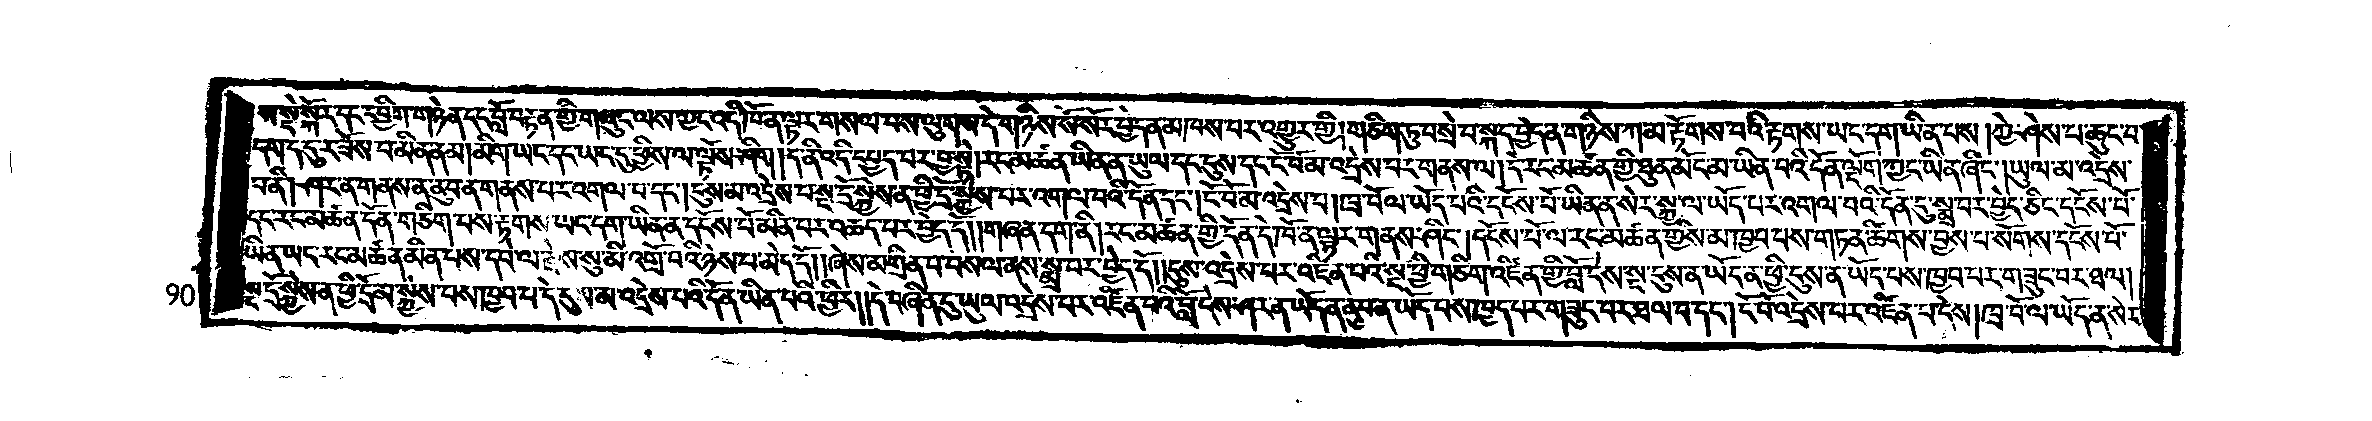ས་སྡེ་སྐོར་དང་དབྱིག་གཉེན་དང་བློ་བརྟན་གྱི་གཞུང་ལས་ཀྱང་འདི་ཁོ་ན་ལྟར་གསལ་བས་ལུགས་དེ་གཉིས་སོ་སོར་བྱེད་ན་མཁས་པར་འགྱུར་གྱི། གཅིག་ཏུ་བསྲེ་བ་སྐད་བྱེད་ན་གཉིས་ཀ་མ་རྟོགས་པའི་རྟགས་ཡང་དད་ཡིན་པས། ཀྱེ་ཤེས་པ་ཆུང་བ་
དག་ད་དུ་ར་ཟོས་པ་མིན་ནམ། མིག་ཡང་དང་ཡང་དུ་ཕྱིས་ལ་ལྟོས་ཤིག །ད་ནི་འདི་དཔྱད་པར་བྱ་སྟེ། རང་མཚན་ཡིན་ན་ཡུལ་དང་དུས་དང་ངོ་བོ་མ་འདྲེས་པར་གནས་ལ། དེ་རང་མཚན་གྱི་ཐུན་མོང་མ་ཡིན་པའི་དོན་ལྡོག་ཀྱང་ཡིན་ཞིང་། ཡུལ་མ་འདྲེས་
པ་ནི། ཤར་ན་གནས་ན་ནུབ་ན་གནས་པར་འགལ་བ་དང་། དུས་མ་འདྲེས་པ་སྔ་དྲོ་སྐྱེས་ན་ཕྱི་དྲོ་སྐྱེས་པར་འགལ་བའི་དོན་དང་། ངོ་བོ་མ་འདྲེས་པ། ཁྲ་བོ་ལ་ཡོད་པའི་དངོས་པོ་ཡིན་ན་སེར་སྐྱ་ལ་ཡོད་པར་འགལ་བའི་དོན་དུ་སྨྲ་བར་བྱེད་ཅིང་དངོས་པོ་
དང་རང་མཚན་དོན་གཅིག་པས་རྟགས་ཡང་དག་ཡིན་ན་དངོས་པོ་མིན་པར་འཆད་པར་བྱེད་དོ། །གཞན་དག་ནི། རང་མཚན་གྱི་དོན་དེ་ཁོ་ན་ལྟར་གནས་ཤིང་། དངོས་པོ་ལ་རང་མཚན་གྱིས་མ་ཁྱབ་པས་གཏན་ཚིགས་བྱས་པ་སོགས་དངོས་པོ་
ཡིན་ཡང་རང་མཚན་མིན་པས་དཔེ་ལ་རྗེས་སུ་མི་འགྲོ་བའི་ཉེས་པ་མེད་དོ། །ཞེས་མགྲིན་པ་བསལ་ནས་སྨྲ་བར་བྱེད་དོ། །དུས་འདྲེས་པར་འཛིན་པའི་སྔ་ཕྱི་གཅིག་འཛིན་གྱི་བློ་དེས་སྔ་དུས་ན་ཡོད་ན་ཕྱི་དུས་ན་ཡོད་པས་ཁྱབ་པར་གཟུང་བར་ཐལ།
སྔ་དྲོ་སྐྱེས་ན་ཕྱི་དྲོ་མ་སྐྱེས་པས་ཁྱབ་པ་དེ་དུས་མ་འདྲེས་པའི་དོན་ཡིན་པའི་ཕྱིར། །དེ་བཞིན་དུ་ཡུལ་འདྲེས་པར་འཛིན་པའི་བློ་དེས་ཤར་ན་ཡོད་ན་ནུབ་ན་ཡོད་པས་ཁྱད་པར་གཟུང་བར་ཐལ་བ་དང་། ངོ་བོ་འདྲེས་པར་འཛིན་པ་དེས། ཁྲ་བོ་ལ་ཡོད་ན་སེར་